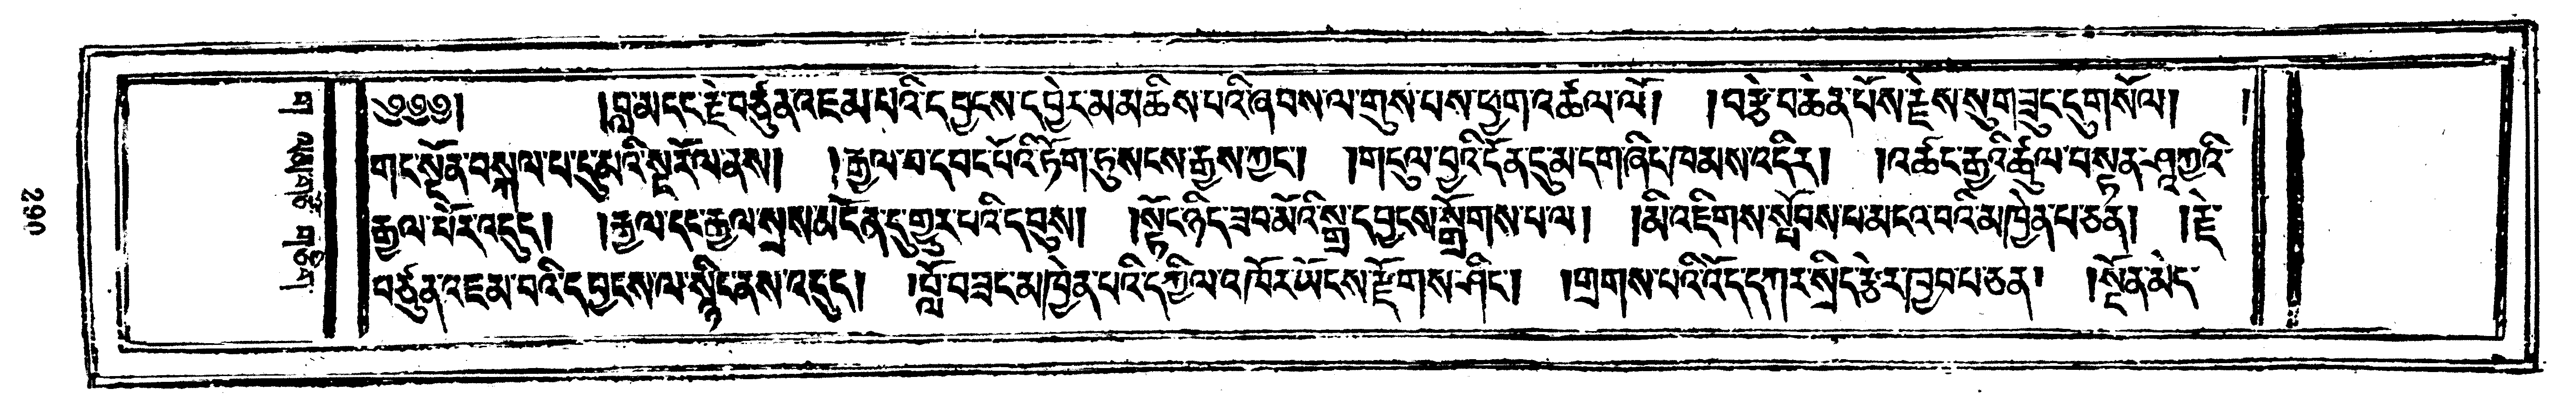༄༅༅། །བླ་མ་དང་རྗེ་བཙུན་འཇམ་པའི་དབྱངས་དབྱེར་མ་མཆིས་པའི་ཞབས་ལ་གུས་པས་ཕྱག་འཚལ་ལོ། །བརྩེ་བ་ཆེན་པོས་རྗེས་སུ་གཟུང་དུ་གསོལ། །
གང་སྔོན་བསྐལ་པ་དུ་མའི་སྔ་རོལ་ནས། །རྒྱལ་བ་དབང་པོའི་ཏོག་ཏུ་སངས་རྒྱས་ཀྱང་། །གདུལ་བྱའི་དོན་དུ་མ་དག་ཞིང་ཁམས་འདིར། །འཚང་རྒྱའི་ཚུལ་བསྟན་ཤཱཀྱའི་
རྒྱལ་པོར་འདུད། །རྒྱལ་དང་རྒྱལ་སྲས་མངོན་དུ་གྱུར་པའི་དབུས། །སྟོང་ཉིད་ཟབ་མོའི་སྒྲ་དབྱངས་སྒྲོགས་པ་ལ། །མི་འཇིགས་སྤོབས་པ་མངའ་བའི་མཁྱེན་པ་ཅན། །རྗེ་
བཙུན་འཇམ་བའི་དབྱངས་ལ་སྙིང་ནས་འདུད། །བློ་བཟང་མཁྱེན་པའི་དཀྱིལ་འཁོར་ཡོངས་རྫོགས་ཤིང་། །གྲགས་པའི་འོད་དཀར་སྲིད་རྩེར་ཁྱབ་པ་ཅན། །སྔོན་མེད་